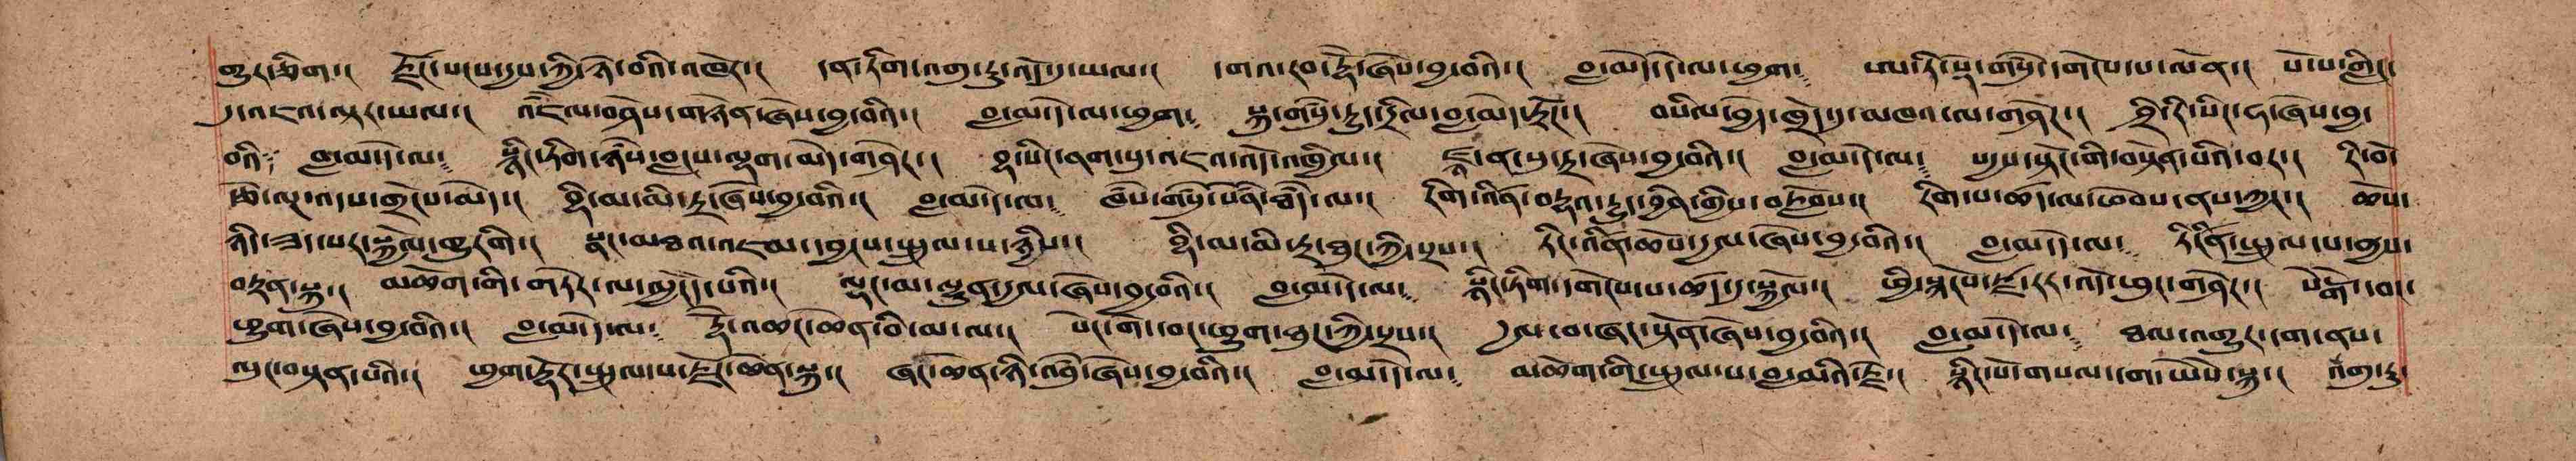གྱུར་ཅིག། རྫོགས་སངས་རྒྱས་ཀྱི་ཉེ་བའི་འཁོར། དན་རིག་འགུ་རུ་འོད་དུ་ཡལ། དགའ་རབ་རྡོ་རྗེ་ཞེས་བྱ་བའི། བླ་མེད་དེ་ལ་ཕྱག་འཚལ་ལོ། ཨ་ཏི་སྡེ་གསུམ་དགོངས་པ་ལོན། སོ་པ་གླིང་
དུ་འཇལ་ལྟར་ཡལ། འཇིལ་བཤེས་གཉེན་ཞེས་བྱ་བའི། བླ་མ་དེ་ལ་ཕྱག་འཚལ་ལོ།། སྐུ་གསུམ་དྱུད་དྲིལ་བླ་མེད་རྟོགས། བསིལ་བྱེད་ཁྲོད་དུ་མཁའ་ལ་གཤེགས། ཤྲི་རི་སིང་ཧ་ཞེས་བྱ་
བའི༑ བླ་མ་དེ་ལ་ཕྱག་འཚལ་ལོ། སྙིང་ཏིག་ཉམས་བླངས་ལྷག་མེད་གཤེགས། བྷ་སིང་ནག་སུ་འཇའ་འོད་འཁྱིལ། ཛྙ་ན་སུ་ཏྲ་ཞེས་བྱ་བའི། བླ་མ་དེ་ལ་ཕྱག་འཚལ་ལོ། སངས་རྒྱས་སྟོང་གི་བསྟེན་པའི་བར། རི་བོ་
རྩེ་ལྔ་འདས་གྲངས་མེད། བྷི་མ་མི་ཏྲ་ཞེས་བྱ་བའི། བླ་མ་དེ་ལ་ཕྱག་འཚལ་ལོ། ཁམས་གསུམས་སེམས་ཅན་ཐམས་ཅད་ལ། རིག་འཛིན་བརྡའ་དྱུད་བྱིན་གྱིས་བརློབས། རིག་པ་ཚད་ལ་ཕེབས་ནས་ཀྱང་། ཆོས་
ཉིད་ཟད་སར་སྐྱེལ་གྱུར་ཅིག། སྣང་མཐའ་འཇལ་དབྱངས་སྤྲུལ་པ་གཉིས། བྷི་མ་མི་ཏྲ་ཐུགས་ཀྱི་སྲས། ཏིང་འཛིན་ཆོས་རྒྱལ་ཞེས་བྱ་བའི། བླ་མ་དེ་ལ་ཕྱག་འཚལ་ལོ། ཏིང་འཛིན་སྤྲུལ་པ་གནས་
བརྟན་སྐུ། མཆོག་གི་གཏེར་ལ་ལོངས་སྤྱོད་པའི། ལྷང་མ་ལྷུན་རྒྱལ་ཞེས་བྱ་བའི། བླ་མ་དེ་ལ་ཕྱག་འཚལ་ལོ། སྙིང་ཏིག་དགོངས་པ་ཚད་དུ་སྐྱོལ། ཕྱི་སྐོངས་རྫ་རར་འོད་ཕུང་གཤེགས། སེང་གེ་དབང་
ཕྱུག་ཞེས་བྱ་བའི། བླ་མ་དེ་ལ་ཕྱག་འཚལ་ལོ། རྡོ་རྗེ་འཆང་ཆེན་བི་མ་ལ། སེང་གེ་དབང་ཕྱུག་ཐུགས་ཀྱི་སྲས། རྒྱལ་བ་ཞང་སྟོན་ཞེས་བྱ་བའི། བླ་མ་དེ་ལ་ཕྱག་འཚལ་ལོ། ཐལ་འགྱུར་དག་ནས་
ལུང་བསྟན་པའི། ཕྱག་རྡོར་སྤྲུལ་པ་རྫོགས་ཆེན་སྐུ། ཞང་ཆེན་ཉི་འབུམ་ཞེས་བྱ་བའི། བླ་མ་དེ་ལ་ཕྱག་འཚལ་ལོ། མཆོག་གི་སྤྲུལ་པ་བླ་མའི་རྗེ། སྙིང་པོ་གསལ་དག་ཡེ་ཤེས་སྐུ། འགུ་རུ་